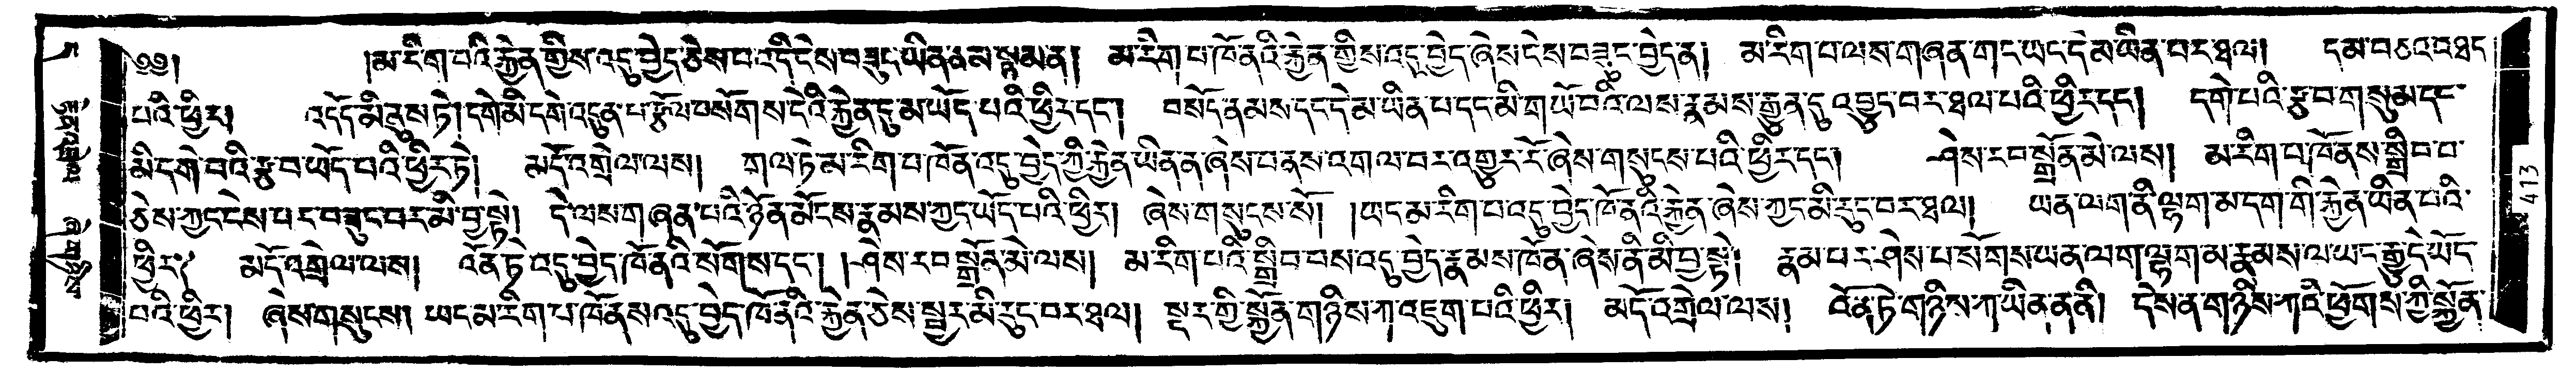༄༅། །མ་རིག་པའི་རྐྱེན་གྱིས་འདུ་བྱེད་ཅེས་པ་འདི་ངེས་བཟུང་ཡིན་ནམ་སྙམ་ན། མ་རིག་པ་ཁོ་ནའི་རྐྱེན་གྱིས་འདུ་བྱེད་ཞེས་ངེས་བཟུང་བྱེད་ན། མ་རིག་པ་ལས་གཞན་གང་ཡང་དེ་མ་ཡིན་པར་ཐལ། དམ་བཅའ་འཐད་
པའི་ཕྱིར། འདོད་མི་ནུས་ཏེ། དགེ་མི་དགེ་འདུན་པ་རྩོལ་བ་སོགས་དེའི་རྐྱེན་དུ་མ་ཡོད་པའི་ཕྱིར་དང་། བསོད་ནམས་དང་དེ་མ་ཡིན་པ་དང་མི་གཡོ་བའི་ལས་རྣམས་རྒྱུན་དུ་འབྱུང་བར་ཐལ་པའི་ཕྱིར་དང་། དགེ་པའི་རྩ་བ་གསུམ་དང་
མི་དགེ་བའི་རྩ་བ་ཡོད་པའི་ཕྱིར་ཏེ། མདོ་འགྲེལ་ལས། གལ་ཏེ་མ་རིག་པ་ཁོ་ན་འདུ་བྱེད་ཀྱི་རྐྱེན་ཡིན་ན་ཞེས་པ་ནས་འགལ་བར་འགྱུར་རོ་ཞེས་གསུངས་པའི་ཕྱིར་དང་། ཤེས་རབ་སྒྲོན་མེ་ལས། མ་རིག་པ་ཁོ་ནས་སྒྲིབ་པ་
ཅེས་ཀྱང་ངེས་པར་བཟུང་བར་མི་བྱ་སྟེ། དེ་ལས་གཞན་པའི་ཉོན་མོངས་རྣམས་ཀྱང་ཡོད་པའི་ཕྱིར། ཞེས་གསུངས་སོ། །ཡང་མ་རིག་པ་འདུ་བྱེད་ཁོ་ནའི་རྐྱེན་ཞེས་ཀྱང་མི་རུང་བར་ཐལ། ཡན་ལག་ནི་ལྷག་མ་དག་གི་རྐྱེན་ཡིན་པའི་
ཕྱིར༑ མདོ་འགྲེལ་ལས། འོན་ཏེ་འདུ་བྱེད་ཁོ་ནའི་སོགས་དང་། །ཤེས་རབ་སྒྲོན་མེ་ལས། མ་རིག་པའི་སྒྲིབ་པས་འདུ་བྱེད་རྣམས་ཁོ་ན་ཞེས་ནི་མི་བྱ་སྟེ། རྣམ་པར་ཤེས་པ་སོགས་ཡན་ལག་ལྷག་མ་རྣམས་ལ་ཡང་རྒྱུ་དེ་ཡོད་
པའི་ཕྱིར། ཞེས་གསུངས། ཡང་མ་རིག་པ་ཁོ་ནས་འདུ་བྱེད་ཁོ་ནའི་རྐྱེན་ཅེས་སྦྱར་མི་རུང་བར་ཐལ། སྔར་གྱི་སྐྱོན་གཉིས་ཀ་འཇུག་པའི་ཕྱིར། མདོ་འགྲེལ་ལས། འོན་ཏེ་གཉིས་ཀ་ཡིན་ན་ནི། དེས་ན་གཉིས་ཀའི་ཕྱོགས་ཀྱི་སྐྱོན་